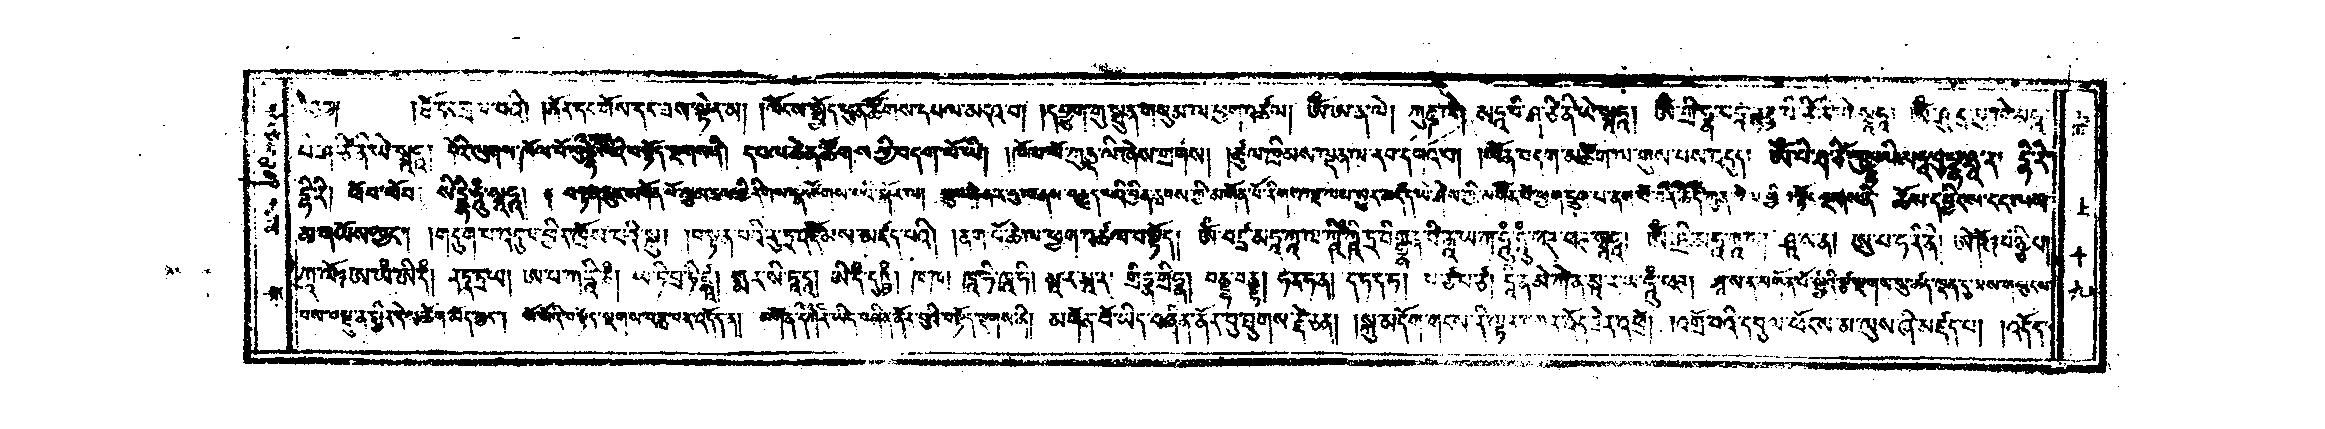༄༅། །ཐོ་དང་བྲལ་བའི། །ནོར་དང་གོས་དང་ཟས་སྟེར་མ། །ལོངས་སྤྱོད་ཕུན་ཚོགས་དཔལ་མདའ་བ། །དབྱུག་གུ་སྤུན་གསུམ་ལ་ཕྱག་འཚལ། ཨོཾ་ཨ་ན་ལེ། ཀུཎྜ་ལེ། མཧཱ་བི་ཤ་ཙི་ནི་ཡེ་སྭཱཧཱ། ཨོཾ་གྲི་ཧྣ་མཧཱ་ཌྷཎྜ་པི་ཙི་ནི་ཡེ་སྭཱཧཱ། ཨོཾ་ཤུ་དྲ་མུ་ཁེ་མཧཱ་
པི་ཤ་ཙི་ནི་ཡེ་སྭཱཧཱ། དེའི་ལུགས་ཁོལ་པོ་གུནྡྷ༢༣༢་ལིའི་བསྟོད་སྔགས་ནི། དཔལ་ཆེན་ཚོགས་ཀྱི་བདག་པོ་ཡི། །ཁོལ་པོ་ཀུནྡ་ལི་ཞེས་གྲགས། །ཚུལ་ཁྲིམས་ལྡན་ལ་རབ་དགའ་བ། །ཡོན་བདག་མཆོག་ལ་གུས་པས་འདུད། ཨོཾ་པི་ཤ་ཙི་ཀུནྡྷ་ལི་མཧཱ་བུདྡྷ་ཤཱ་ར། དྷི་རི་
དྷི་རི། ཕོབ་ཕོབ། སིདྡྷི་ཧཱུཾ་སྭཱཧཱ། ༈ བསྟན་སྲུང?་མགོན་པོ་ལྕམ་དྲལ་གྱི་རིགས་སྣ་ཚོགས་པའི་སྐོར་ལ། གྲུབ་ཆེན་ར་ཧུ་ལ་ནས་བརྒྱུད་པའི་བྱིན་རླབས་ཀྱི་མགོན་པོ་རིགས་ལྔ་ལས་མྱུར་མཛད་ཡེ་ཤེས་ཀྱི་མགོན་པོ་ཕྱག་དྲུག་པ་ནག་པོ་བར་ཆད༢༣༣་ཀུན་སེལ་གྱི་བསྟོད་སྔགས་ནི། ཆོས་དབྱིངས་ངང་ལས་
མ་གཡོས་ཀྱང་། །གདུག་པ་འདུལ་ཕྱིར་ཁྲོས་པའི་སྐུ། །བསྟན་པའི་རུ་ཏྲ་འཇོམས་མཛད་པའི། །ནག་པོ་ཆེ་ལ་ཕྱག་འཚལ་བསྟོད། ཨོཾ་བཛྲ་མཧཱ་ཀཱ་ལ་ཀྵིཾ་ཀྵི་ཏྲ་བིགྷྣན་པི་ནཱ་ཡ་ཀ་ཧཱུཾ་ཧཱུཾ་ཕཊ་ཕཊ་སྭཱཧཱ། ཨོཾ་ཤྲི་མཧཱ་ཀཱ་ལ། ཤཱ་ས་ན། ཨུ་པ་ཧ་རི་ནི། ཨེ་ཥོཉཔཉྩི་པ།
ཀཱ་ལོཉ་ཨ་ཡཾ་ཨི་དཾ། རཏྣ་ཏྲ་ཡ། ཨ་པ་ཀ་རཱི་ཎཾ། ཡ་ཏི་པྲ་ཏི་ཛྙཱ། སྨ་ར་སི་ཏཱ་དཱ། ཨི་དཾ་དུཥཊཿཨཾ། ཁ་ཁ། ཁཱ་ཧི་ཁཱ་ཧི། མཱ་ར་མཱ་ར། གྲིཧྣ་གྲིཧྣ། བནྡྷ་བནྡྷ། ཧ་ན་ཧ་ན། ད་ཧ་ད་ཧ། པ་ཙ་པ་ཙ། དཱི་ན་མེ་ཀེ་ན་མཱ་ར་ཡ་ཧཱུཾ་ཕཊ། ཤཱ་ས་ན་མགོན་པོ་སྤྱིའི་རྩ་སྔགས་སུ་ཚད་ལྡན་དུ་མས་གསུངས་
པས་བསྡུ་ན་སྤྱིར་དེས་ཆོག་མོད་ཀྱང་། སོ་སོའི་བསྟོད་སྔགས་བཟླ་བར་འདོད་ན། མགོན་དཀར༢༣༤་ཡིད་བཞིན་ནོར་བུའི་བསྟོད་སྔགས་ནི། མགོན་པོ་ཡིད་བཞིན་ནོར་བུ་ཐུགས་རྗེ་ཅན། །སྐུ་མདོག་གངས་རི་ལྟར་དཀར་འོད་ཟེར་འཕྲོ། །འགྲོ་བའི་དབུལ་ཕོངས་མ་ལུས་ཞི་མཛད་པ། །འདོད་